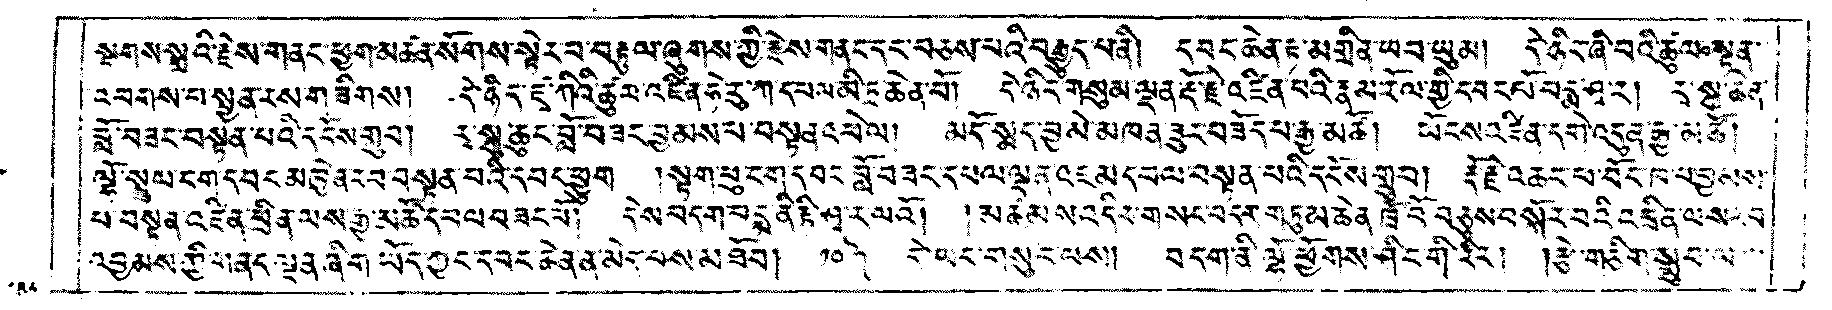སྔགས་སྒྲའི་རྗེས་གནང་ཕྱག་མཚན་སོགས་སྟེར་བ་བརྟུལ་ཞུགས་ཀྱི་རྗེས་གནང་དང་བཅས་པའི་བརྒྱུད་པ་ནི། དབང་ཆེན་རྟ་མགྲིན་ཡབ་ཡུམ། དེ་ཉིད་ཞི་བའི་ཚུལ་བསྟན་
འཕགས་པ་སྤྱན་རས་གཟིགས། དེ་ཉིད་ཛྭ་ཀིའི་ཚུལ་འཛིན་ཧེ་རུ་ཀ་དཔལ་མི་ཏྲ་ཆེན་པོ། དེ་ཉིད་གསུམ་ལྡན་རྡོ་རྗེ་འཛིན་པའི་རྣམ་རོལ་གྱི་དབང་པོ་པདམ་ཤྭ་ར། རྭ་སྐུ་ཆེན་
བློ་བཟང་བསྟན་པའི་དངོས་གྲུབ། རྭ་སྐུ་ཆུང་བློ་བཟང་བྱམས་པ་བསྟན་འཕེལ། མདོ་སྨད་བྱ་མེ་མཁན་ཟུར་བཟོད་པ་རྒྱ་མཚོ། ཡོངས་འཛིན་དགེ་འདུན་རྒྱ་མཚོ།
ལྷོ་སྤྲུལ་ངག་དབང་མཁྱེན་རབ་བསྟན་པའི་དབང་ཕྱུག །སྟག་ཕུ་ངག་དབང་བློ་བཟང་དཔལ་ལྡན་འཇམ་དཔལ་བསྟན་པའི་དངོས་གྲུབ། རྡོ་རྗེ་འཆང་ཕ་བོང་ཁ་པ་བྱམས་
པ་བསྟན་འཛིན་ཕྲིན་ལས་རྒྱ་མཚོ་དཔལ་བཟང་པོ། དེས་བདག་པདམ་ནི་རྟི་ཤྭ་ར་ལའོ། །མཚམས་འདིར་གསང་བདག་གཏུམ་ཆེན་ཁྲོ་བོ་བཅུས་བསྐོར་བའི་འཕྲིན་ལས་རབ་
འབྱམས་ཀྱི་གནད་ལྡན་ཞིག་ཡོད་ཀྱང་དབང་ཆེན་ན་མེད་པས་མ་ཐོབ། ༡༠?་དེ་ཡང་གསུང་ལས། བདག་ནི་ལྷོ་ཕྱོགས་ཤིང་གི་རིར། །རྩེ་གཅིག་སྒྲུབ་ལ་